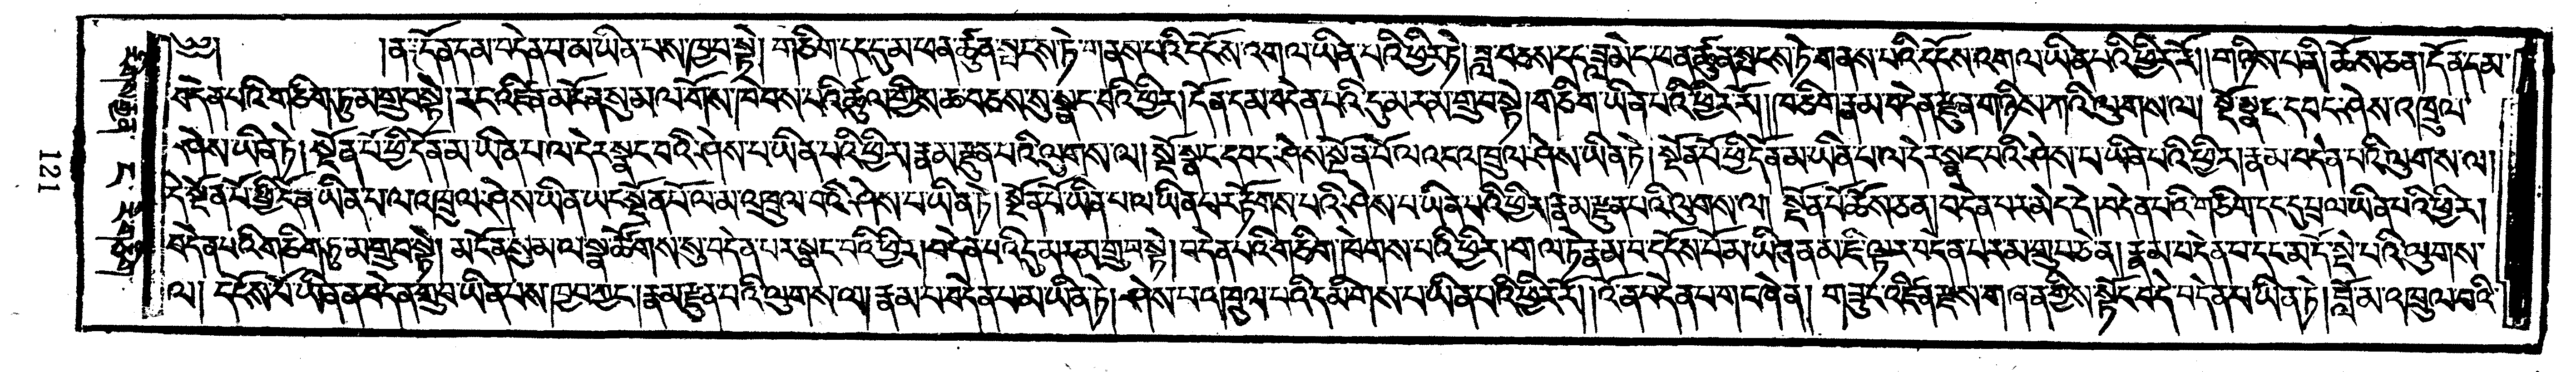༄༅། །ན༑ དོན་དམ་བདེན་པ་མ་ཡིན་པས་ཁྱབ་སྟེ། གཅིག་དང་དུ་མ་ཕན་ཚུན་སྤངས་ཏེ་གནས་པའི་དངོས་འགལ་ཡིན་པའི་ཕྱིར་ཏེ། ཟླ་བཅས་དང་ཟླ་མེད་ཕན་ཚུན་སྤངས་ཏེ་གནས་པའི་དངོས་འགལ་ཡིན་པའི་ཕྱིར་རོ། །གཉིས་པ་ནི། ཆོས་ཅན། དོན་དམ་
བདེན་པའི་གཅིག་ཏུ་མ་གྲུབ་སྟེ། རང་འཛིན་མངོན་སུམ་ལ་གོས་ཁེབས་པའི་ཚུལ་གྱིས་ཆ་བཅས་སུ་སྣང་བའི་ཕྱིར། དོན་དམ་བདེན་པའི་དུ་མར་མ་གྲུབ་སྟེ། གཅིག་ཡིན་པའི་ཕྱིར་རོ། །ཁ་ཅིག་རྣམ་བདེན་རྫུན་གཉིས་ཀའི་ལུགས་ལ། སྔོ་སྣང་དབང་ཤེས་འཁྲུལ་
ཤེས་ཡིན་ཏེ། སྔོན་པོ་ཕྱི་དོན་མ་ཡིན་པ་ལ་དེར་སྣང་བའི་ཤེས་པ་ཡིན་པའི་ཕྱིར། རྣམ་རྫུན་པའི་ལུགས་ལ། སྔོ་སྣང་དབང་ཤེས་སྔོན་པོ་ལའང་འཁྲུལ་ཤེས་ཡིན་ཏེ། སྔོན་པོ་ཕྱི་དོན་མ་ཡིན་པ་ལ་དེར་སྣང་བའི་ཤེས་པ་ཡིན་པའི་ཕྱིར། རྣམ་བདེན་པའི་ལུགས་ལ།
དེ་སྔོན་པོ་ཕྱི་དོན་ཡིན་པ་ལ་འཁྲུལ་ཤེས་ཡིན་ཡང་སྔོན་པོ་ལ་མ་འཁྲུལ་བའི་ཤེས་པ་ཡིན་ཏེ། སྔོན་པོ་ཡིན་པ་ལ་ཡིན་པར་རྟོགས་པའི་ཤེས་པ་ཡིན་པའི་ཕྱིར། རྣམ་རྫུན་པའི་ལུགས་ལ། སྔོན་པོ་ཆོས་ཅན། བདེན་པར་མེད་དེ། བདེན་པའི་གཅིག་དང་དུ་བྲལ་ཡིན་པའི་ཕྱིར།
བདེན་པའི་གཅིག་ཏུ་མ་གྲུབ་སྟེ། མངོན་སུམ་ལ་སྣ་ཚོགས་སུ་བདེན་པར་སྣང་བའི་ཕྱིར། བདེན་པའི་དུ་མར་མ་གྲུབ་སྟེ། བདེན་པའི་གཅིག་ཁེགས་པའི་ཕྱིར། གལ་ཏེ་རྣམ་པ་དངོས་པོ་མ་ཡིན་ནམ་ཇི་ལྟར་བདེན་པར་མ་གྲུབ་ཅེ་ན། རྣམ་བདེན་པ་དང་མདོ་སྡེ་པའི་ལུགས་
ལ། དངོས་པོ་ཡིན་ན་བདེན་གྲུབ་ཡིན་པས་ཁྱབ་ཀྱང་། རྣམ་རྫུན་པའི་ལུགས་ལ། རྣམ་པ་བདེན་པ་མ་ཡིན་ཏེ། ཤེས་པ་འཁྲུལ་བའི་དམིགས་པ་ཡིན་པའི་ཕྱིར་རོ། །འོ་ན་བདེན་པ་གང་ཞེ་ན། གཟུང་འཛིན་རྫས་གཞན་གྱིས་སྟོང་བ་དེ་བདེན་པ་ཡིན་ཏེ། བློ་མ་འཁྲུལ་བའི་